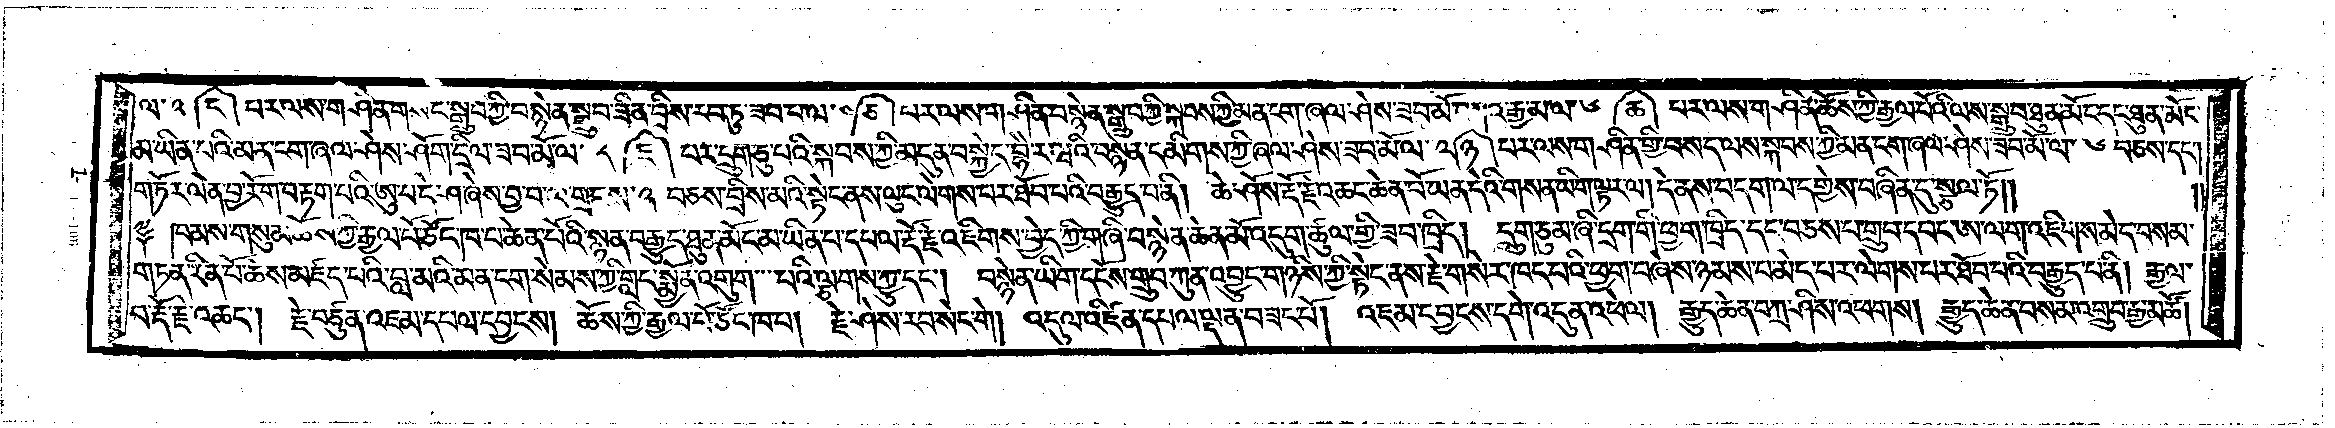ལ ༢ ༼ང༽ པར་ལས་གཤིན་གསང་སྒྲུབ་ཀྱི་བསྙེན་སྒྲུབ་ཟིན་བྲིས་རབ་ཏུ་ཟབ་པ་ལ ༤ ༼ཅ༽ པར་ལས་གཤིན་བསྙེན་སྒྲུབ་ཀྱི་སྐབས་ཀྱི་མན་ངག་ཞལ་ཤེས་ཟབ་མོ་བཀའ་རྒྱ་མ་ལ ༦ ༼ཆ༽ པར་ལས་གཤིན་ཆོས་ཀྱི་རྒྱལ་པོའི་ལས་སྒྲུབ་ཐུན་མོང་དང་ཐུན་མོང་
མ་ཡིན་པའི་མན་ངག་ཞལ་ཤེས་ཤོག་དྲི་ལ་ཟབ་མོ་ལ ༨ ༼ཇ༽ པར་དྲུག་ཅུ་པའི་སྐབས་ཀྱི་མདུན་བསྐྱེད་བྷཻ་ར་ཝའི་བསྙེན་དམིགས་ཀྱི་ཞལ་ཤེས་ཟབ་མོ་ལ ༢ ༼ཉ༽ པར་ལས་གཤིན་གྱི་བསད་ལས་སྐབས་ཀྱི་མན་ངག་ཞལ་ཤེས་ཟབ་མོ་ལ ༦་བཅས་དང་།
གཏོར་ལེན་བྱ་རོག་བརྟག་པའི་ཨུ་བདེ་ཤ་ཞེས་བྱ་བ་ལ་གྲངས ༢་བཅས་བྲིས་མའི་སྟེང་ནས་ལུང་ལེགས་པར་ཐོབ་པའི་བརྒྱུད་པ་ནི། ཆེ་ཤོས་རྡོ་རྗེ་འཆང་ཆེན་པོ་ཡན་དེའི་གསན་ཡིག་ལྟར་ལ། དེ་ནས་བདག་ལ་དགྱེས་བཞིན་དུ་སྩལ་ཏོ།། །།
༈ ཁམས་གསུམ་ཆོས་ཀྱི་རྒྱལ་པོ་ཙོང་ཁ་པ་ཆེན་པོའི་སྙན་བརྒྱུད་ཐུན་མོང་མ་ཡིན་པ་དཔལ་རྡོ་རྗེ་འཇིགས་བྱེད་ཀྱི་གཞི་བསྙེན་ཆེན་མོ་འདུག་ཚུལ་གྱི་ཟབ་ཁྲིད། དྲུག་ཅུ་མ་ཞི་དྲག་གི་ཕྱག་ཁྲིད་དང་བཅས་པ་གྲུབ་དབང་ཨ་ལག་འཇིགས་མེད་བསམ་
གཏན་རིན་པོ་ཆེས་མཛད་པའི་བླ་མའི་མན་ངག་སེམས་ཀྱི་གླང་སྨྱོན་འགུག་པའི་ལྕགས་ཀྱུ་དང་། བསྙེན་ཡིག་དངོས་གྲུབ་ཀུན་འབྱུང་གཉིས་ཀྱི་སྟེང་ནས་རྗེ་གསེར་ཁང་པའི་ཕྱག་བཞེས་ཉམས་པ་མེད་པར་ལེགས་པར་ཐོབ་པའི་བརྒྱུད་པ་ནི། རྒྱལ་
པ་རྡོ་རྗེ་འཆང་། རྗེ་བཙུན་འཇམ་དཔལ་དབྱངས། ཆོས་ཀྱི་རྒྱལ་པོ་ཙོང་ཁ་པ། རྗེ་ཤེས་རབ་སེང་གེ། འདུལ་འཛིན་དཔལ་ལྡན་བཟང་པོ། འཇམ་དབྱངས་དགེ་འདུན་འཕེལ། རྒྱུད་ཆེན་བཀྲ་ཤིས་འཕགས། རྒྱུད་ཆེན་བསམ་འགྲུབ་རྒྱ་མཚོ།